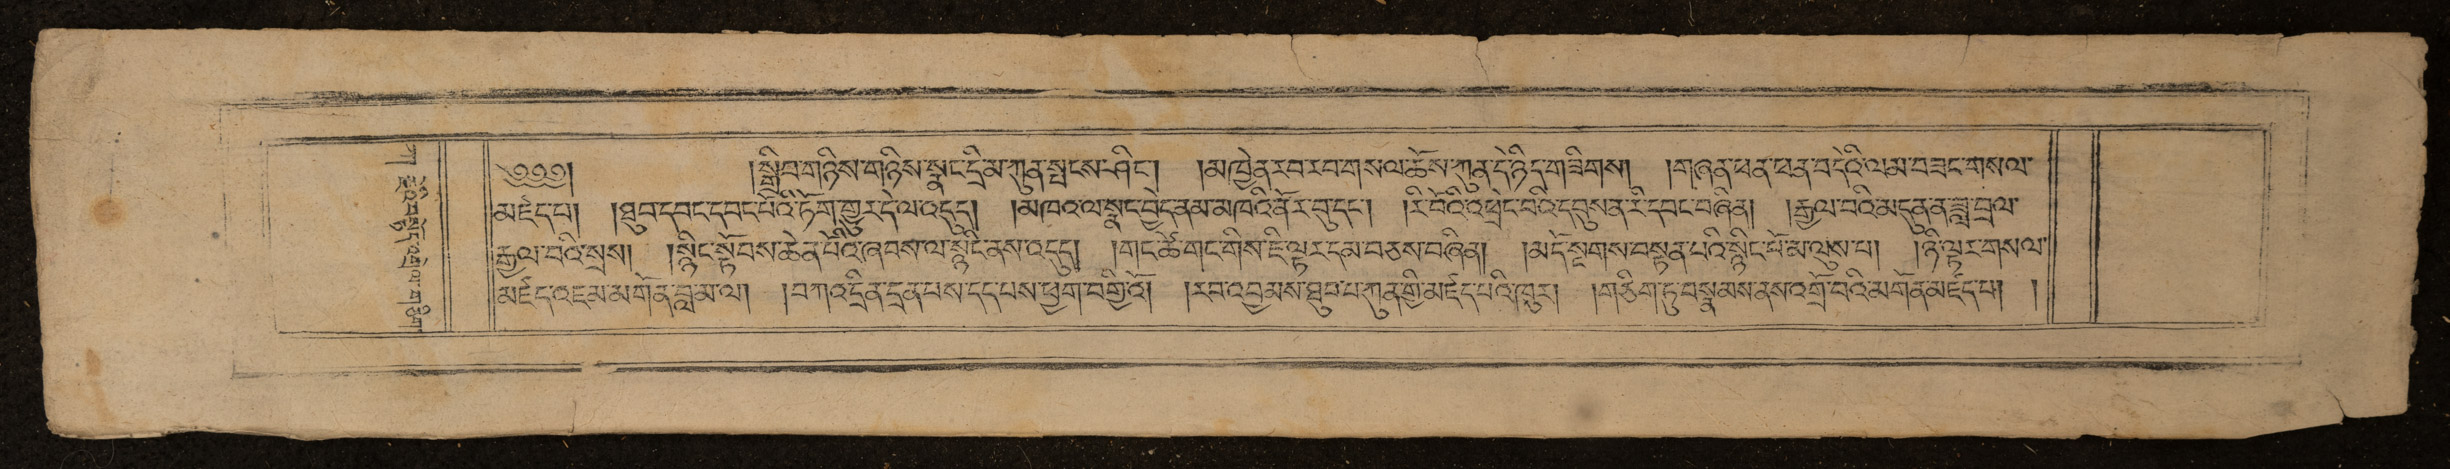༄༅། །སྒྲིབ་གཉིས་གཉིས་སྣང་དྲི་མ་ཀུན་སྤངས་ཤིང་། །མཁྱེན་རབ་རབ་གསལ་ཆོས་ཀུན་དེ་ཉིད་གཟིགས། །གཞན་ཕན་ཕན་བདེའི་ལམ་བཟང་གསལ་
མཛད་པ། །ཐུབ་དབང་དབང་པོའི་ཏོག་གྱུར་དེ་ལ་འདུད། །མཁའ་ལ་སྣང་བྱེད་ནམ་མཁའི་ནོར་བུ་དང་། །རི་བོའི་འཕྲེང་བའི་དབུས་ན་རི་དབང་བཞིན། །རྒྱལ་བའི་མདུན་ན་ཟླ་བྲལ་
རྒྱལ་བའི་སྲས། །སྙིང་སྟོབས་ཆེན་པོའི་ཞབས་ལ་སྙིང་ནས་འདུད། །གང་ཚེ་གང་གིས་ཇི་ལྟར་དམ་བཅས་བཞིན། །མདོ་སྔགས་བསྟན་པའི་སྙིང་པོ་མ་ལུས་པ། །ཉི་ལྟར་གསལ་
མཛད་འཇམ་མགོན་བླ་མ་ལ། །བཀའ་དྲིན་དྲན་པས་དད་པས་ཕྱག་བགྱིའོ། །རབ་འབྱམས་ཐུབ་བ་ཀུན་གྱི་མཛད་པའི་ཁུར། །གཅིག་ཏུ་བསྣམས་ནས་འགྲོ་བའི་མགོན་མཛད་པ། །